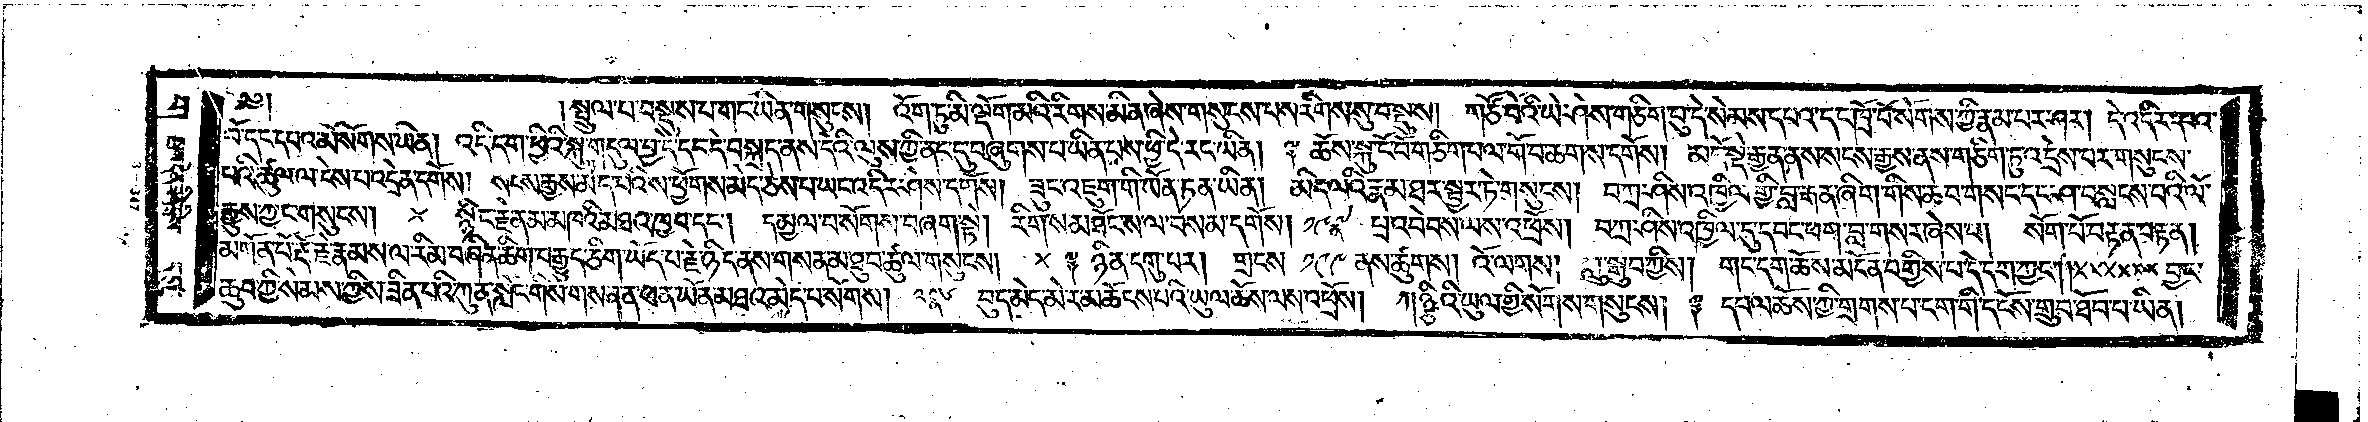༄༅། །སྤྲུལ་པ་བསྡུས་པ་གང་ཡིན་གསུངས། འོག་ཏུ་མི་ལྡོག་མའི་རིགས་མིན་ཞེས་གསུངས་པས་རིགས་སུ་བསྡུས། གཙོ་བོའི་ཡེ་ཤེས་གཅིག་པུ་དེ་སེམས་དཔའ་དང་ཁྲོ་བོ་སོགས་ཀྱི་རྣམ་པར་ཤར། དེ་འདིར་དཔའ་
བོ་དང་དཔའ་མོ་སོགས་ཡིན། འདི་དག་ཕྱིའི་སྐུ་གདུལ་བྱ་དེ་དང་དེ་བསྐྲད་ནས་དེའི་ལུས་ཀྱི་ནང་དུ་བཞུགས་པ་ཡིན་པས་ཕྱི་དེ་རང་ཡིན། ༈ ཆོས་སྐུ་ངོ་བོ་གཅིག་པ་ལ་གོ་བ་ཆགས་དགོས། མདོ་སྡེ་རྒྱན་ནས་སངས་རྒྱས་ནས་གཅིག་ཏུ་འདྲེས་པར་གསུངས་
པའི་ཚུལ་ལ་ངེས་པ་འདྲེན་དགོས། སངས་རྒྱས་མེད་པའི་ས་ཕྱོགས་མེད་ཅེས་པ་ཡང་འདིར་ཤེས་དགོས། ཟུང་འཇུག་གི་ཡོན་ཏན་ཡིན། མིད་ལའི་རྣམ་ཐར་སྦྱར་ཏེ་གསུངས། བཀྲ་ཤིས་འཁྱིལ་གྱི་བླ་རྒན་ཞིག་གིས་ཆབ་གསང་དང་ཤ་བསླངས་པའི་ལོ་
རྒྱུས་ཀྱང་གསུངས། ྾་སྙིང་རྗེ་ནམ་མཁའི་མཐའ་ཁྱབ་དང་། དམྱལ་བ་སོགས་བཞག་སྟེ། རིགས་མཐོང་ས་ལ་བསམ་དགོས། ༡༩༧་པྲ་འབེབས་ལས་འཕྲོས། བཀྲ་ཤིས་འཁྱིལ་དུ་དབང་ཕག་བླ་གསར་ཞེས་པ། སོག་པོ་བརྟན་བརྟན།
མགོན་པོ་རྡོ་རྗེ་རྣམས་ལ་རིམ་བཞིན་ཆིག་བརྒྱུད་ཅིག་ཡོད་པ་རྗེ་ཉིད་ནས་གསན་མ་ཐུབ་ཚུལ་གསུངས། ྾་༈ ཉིན་དགུ་པར། གྲངས ༡༩༩་ནས་ཚུགས། འོ་ལགས། ཀླུ་སྒྲུབ་ཀྱིས། གང་དག་ཆོས་མངོན་བགྱིས་པ་དེ་དག་ཀྱང་། །྾྾྾྾྾྾་བྱང་
ཆུབ་ཀྱི་སེམས་ཀྱིས་ཟིན་པའི་ཀུན་སློང་གིས་གསན་ན་ཕན་ཡོན་མཐའ་མེད་པ་སོགས། ༢༡༦་བུད་མེད་མེར་མཆོངས་པའི་ཡུལ་ཆོས་ལས་འཕྲོས། ཀཉྩིའི་ཡུལ་གྱི་སོགས་གསུངས། ༈ དཔལ་ཆོས་ཀྱི་གྲགས་པ་ངག་གི་དངོས་གྲུབ་ཐོབ་པ་ཡིན།